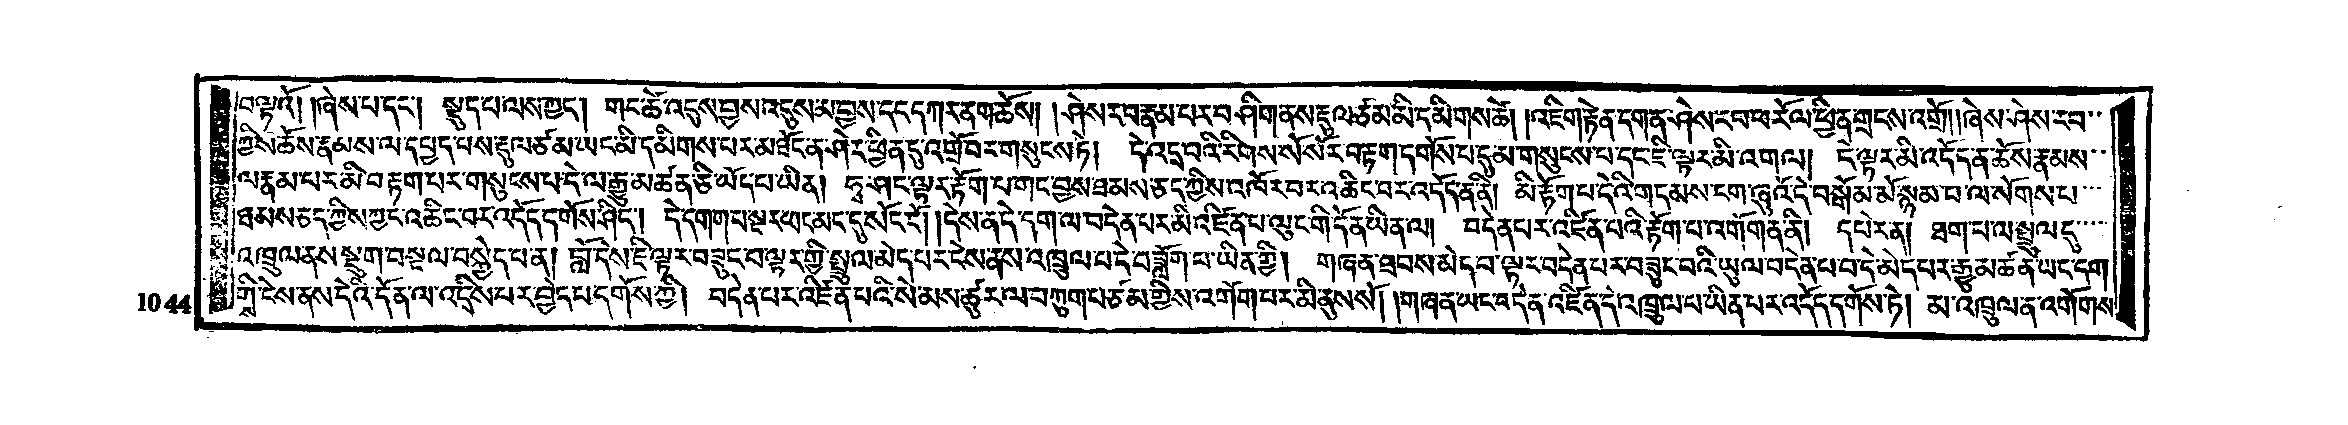བལྟའོ། །ཞེས་པ་དང་། སྡུད་པ་ལས་ཀྱང་། གང་ཚེ་འདུས་བྱས་འདུས་མ་བྱས་དང་དཀར་ནག་ཆོས། །ཤེས་རབ་རྣམ་པར་བཤིག་ནས་རྡུལ་ཙམ་མི་དམིགས་ཚེ། །འཇིག་རྟེན་དག་ན་ཤེས་རབ་ཕ་རོལ་ཕྱིན་གྲངས་འགྲོ། །ཞེས་ཤེས་རབ་
ཀྱིས་ཆོས་རྣམས་ལ་དཔྱད་པས་རྡུལ་ཙམ་ཡང་མི་དམིགས་པར་མཐོང་ན་ཤེར་ཕྱིན་དུ་འགྲོ་བར་གསུངས་ཏེ། དེ་འདྲ་བའི་རིགས་སོ་སོར་བརྟག་དགོས་པ་དུ་མ་གསུངས་པ་དང་ཇི་ལྟར་མི་འགལ། དེ་ལྟར་མི་འདོད་ན་ཆོས་རྣམས་
ལ་རྣམ་པར་མི་བརྟག་པར་གསུངས་པ་དེ་ལ་རྒྱུ་མཚན་ཅི་ཡོད་པ་ཡིན། ཧྭ་ཤང་ལྟར་རྟོག་པ་གང་བྱས་ཐམས་ཅད་ཀྱིས་འཁོར་བར་འཆིང་བར་འདོད་ན་ནི། མི་རྟོག་པ་དེའི་གདམས་ངག་ཞུའོ་དེ་བསྒོམ་མོ་སྙམ་པ་ལ་སོགས་པ་
ཐམས་ཅད་ཀྱིས་ཀྱང་འཆིང་བར་འདོད་དགོས་ཤིང་། དེ་དགག་པ་སྔར་ཡང་མང་དུ་སོང་ངོ། །དེས་ན་དེ་དག་ལ་བདེན་པར་མི་འཛིན་པ་ལུང་གི་དོན་ཡིན་ལ། བདེན་པར་འཛིན་པའི་རྟོག་པ་འགོག་ན་ནི། དཔེར་ན། ཐག་པ་ལ་སྦྲུལ་དུ་
འཁྲུལ་ནས་སྡུག་བསྔལ་བསྐྱེད་པ་ན། བློ་དེས་ཇི་ལྟར་བཟུང་བ་ལྟར་གྱི་སྦྲུལ་མེད་པར་ངེས་ནས་འཁྲུལ་པ་དེ་བཟློག་པ་ཡིན་གྱི། གཞན་ཐབས་མེད་པ་ལྟར་བདེན་པར་བཟུང་བའི་ཡུལ་བདེན་པ་བ་དེ་མེད་པར་རྒྱུ་མཚན་ཡང་དག་
གིས་ངེས་ནས་དེའི་དོན་ལ་འདྲིས་པར་བྱེད་པ་དགོས་ཀྱི། བདེན་པར་འཛིན་པའི་སེམས་ཚུར་ལ་བཀུག་པ་ཙམ་གྱིས་འགོག་པར་མི་ནུས་སོ། །གཞན་ཡང་བདེན་འཛིན་དེ་འཁྲུལ་པ་ཡིན་པར་འདོད་དགོས་ཏེ། མ་འཁྲུལ་ན་འགོག་